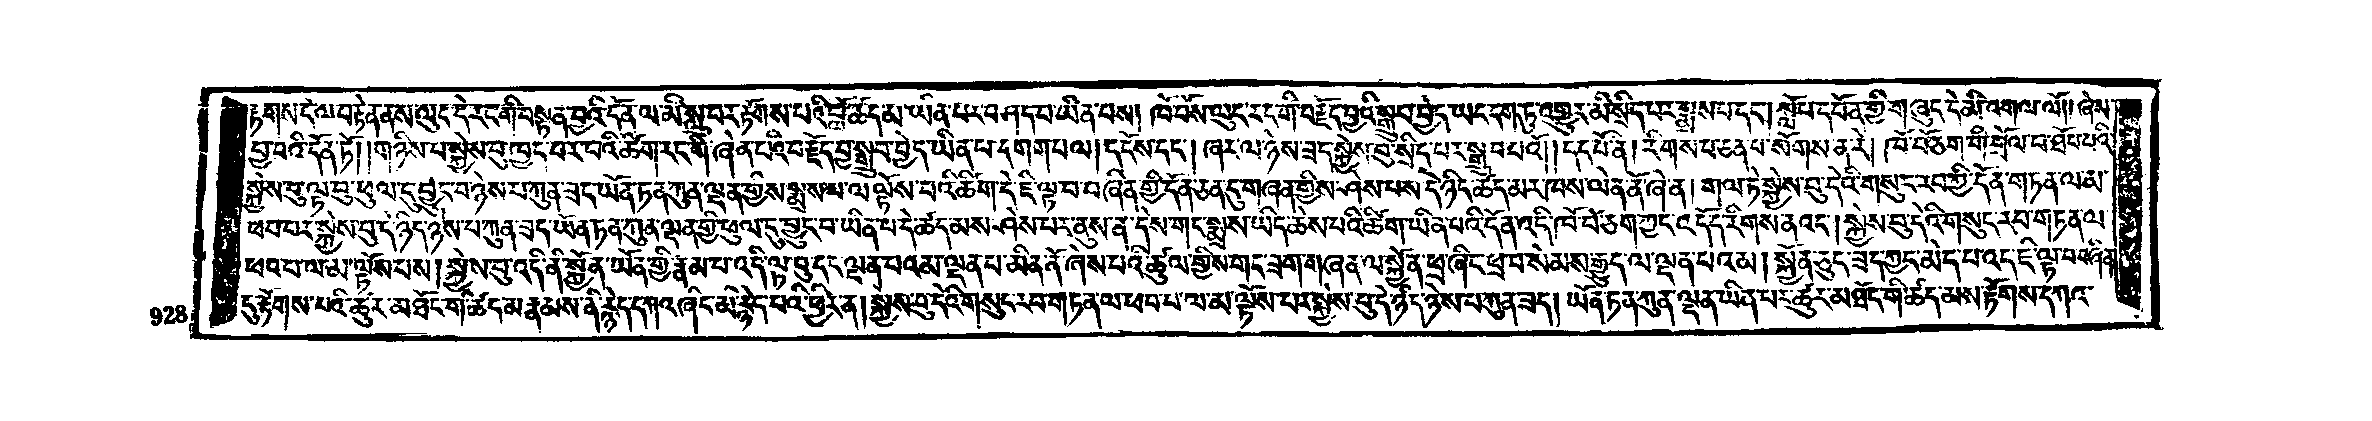རྟགས་དེ་ལ་བརྟེན་ནས་ལུང་དེ་རང་གི་བསྟན་བྱའི་དོན་ལ་མི་སླུ་བར་རྟོགས་པའི་བློ་ཚད་མ་ཡིན་པར་བཤད་པ་ཡིན་པས། ཁོ་བོས་ལུང་རང་གི་བརྗོད་བྱའི་སྒྲུབ་བྱེད་ཡང་དག་ཏུ་འགྱུར་མི་སྲིད་པར་སྨྲས་པ་དང་། སློབ་དཔོན་གྱི་གཞུང་དེ་མི་འགལ་ལོ། །ཞེས་
བྱ་བའི་དོན་ཏོ། །གཉིས་པ་སྐྱེས་བུ་ཁྱད་པར་བའི་ཚིག་རང་གི་ཞེན་པའི་བརྗོད་བྱ་སྒྲུབ་བྱེད་ཡིན་པ་དགག་པ་ལ། དངོས་དང་། ཞར་ལ་ཉེས་ཟད་སྐྱེས་བུ་སྲིད་པར་སྒྲུབ་པའོ། །དང་པོ་ནི། རིགས་པ་ཅན་པ་སོགས་ན་རེ། ཁོ་བོ་ཅག་གི་གྲོལ་བ་ཐོབ་པའི་
སྐྱེས་བུ་ལྟ་བུ་ཕུལ་དུ་བྱུང་བ་ཉེས་པ་ཀུན་ཟད་ཡོན་ཏན་ཀུན་ལྡན་གྱིས་སྨྲས་པ་ལ་ལྟོས་པའི་ཚིག་དེ་ཇི་ལྟ་བ་བཞིན་གྱི་དོན་ཅན་དུ་གཞན་གྱིས་ཤེས་པས་དེ་ཉིད་ཚད་མར་ཁས་ལེན་ནོ་ཞེ་ན། གལ་ཏེ་སྐྱེས་བུ་དེའི་གསུང་རབ་ཀྱི་དོན་གཏན་ལ་མ་
ཕབ་པར་སྐྱེས་བུ་དེ་ཉིད་ཉེས་པ་ཀུན་ཟད་ཡོན་ཏན་ཀུན་ལྡན་གྱི་ཕུལ་དུ་བྱུང་བ་ཡིན་པ་དེ་ཚད་མས་ཤེས་པར་ནུས་ན་དེས་གང་སྨྲས་ཡིད་ཆེས་པའི་ཚིག་ཡིན་པའི་དོན་འདི་ཁོ་བོ་ཅག་ཀྱང་འདོད་རིགས་ནའང་། སྐྱེས་བུ་དེའི་གསུང་རབ་གཏན་ལ་
ཕབ་པ་ལ་མ་ལྟོས་པས། སྐྱེས་བུ་འདི་ནི་སྐྱོན་ཡོན་གྱི་རྣམ་པ་འདི་ལྟ་བུ་དང་ལྡན་པའམ་ལྡན་པ་མིན་ནོ་ཞེས་པའི་ཚུལ་གྱིས་གང་ཟག་གཞན་ལ་སྐྱོན་ཕྲ་ཞིང་ཕྲ་བ་སེམས་རྒྱུད་ལ་ལྡན་པའམ། སྐྱོན་ཅུང་ཟད་ཀྱང་མེད་པ་འདི་ཇི་ལྟ་བ་བཞིན་
དུ་རྟོགས་པའི་ཚུར་མཐོང་གི་ཚད་མ་རྣམས་ནི་རྙེད་དཀའ་ཞིང་མི་རྙེད་པའི་ཕྱིར་ན། སྐྱེས་བུ་དེའི་གསུང་རབ་གཏན་ལ་ཕབ་པ་ལ་མ་ལྟོས་པར་སྐྱེས་བུ་དེ་ཉིད་ཉེས་པ་ཀུན་ཟད། ཡོན་ཏན་ཀུན་ལྡན་ཡིན་པར་ཚུར་མཐོང་གི་ཚད་མས་རྟོགས་དཀའ་